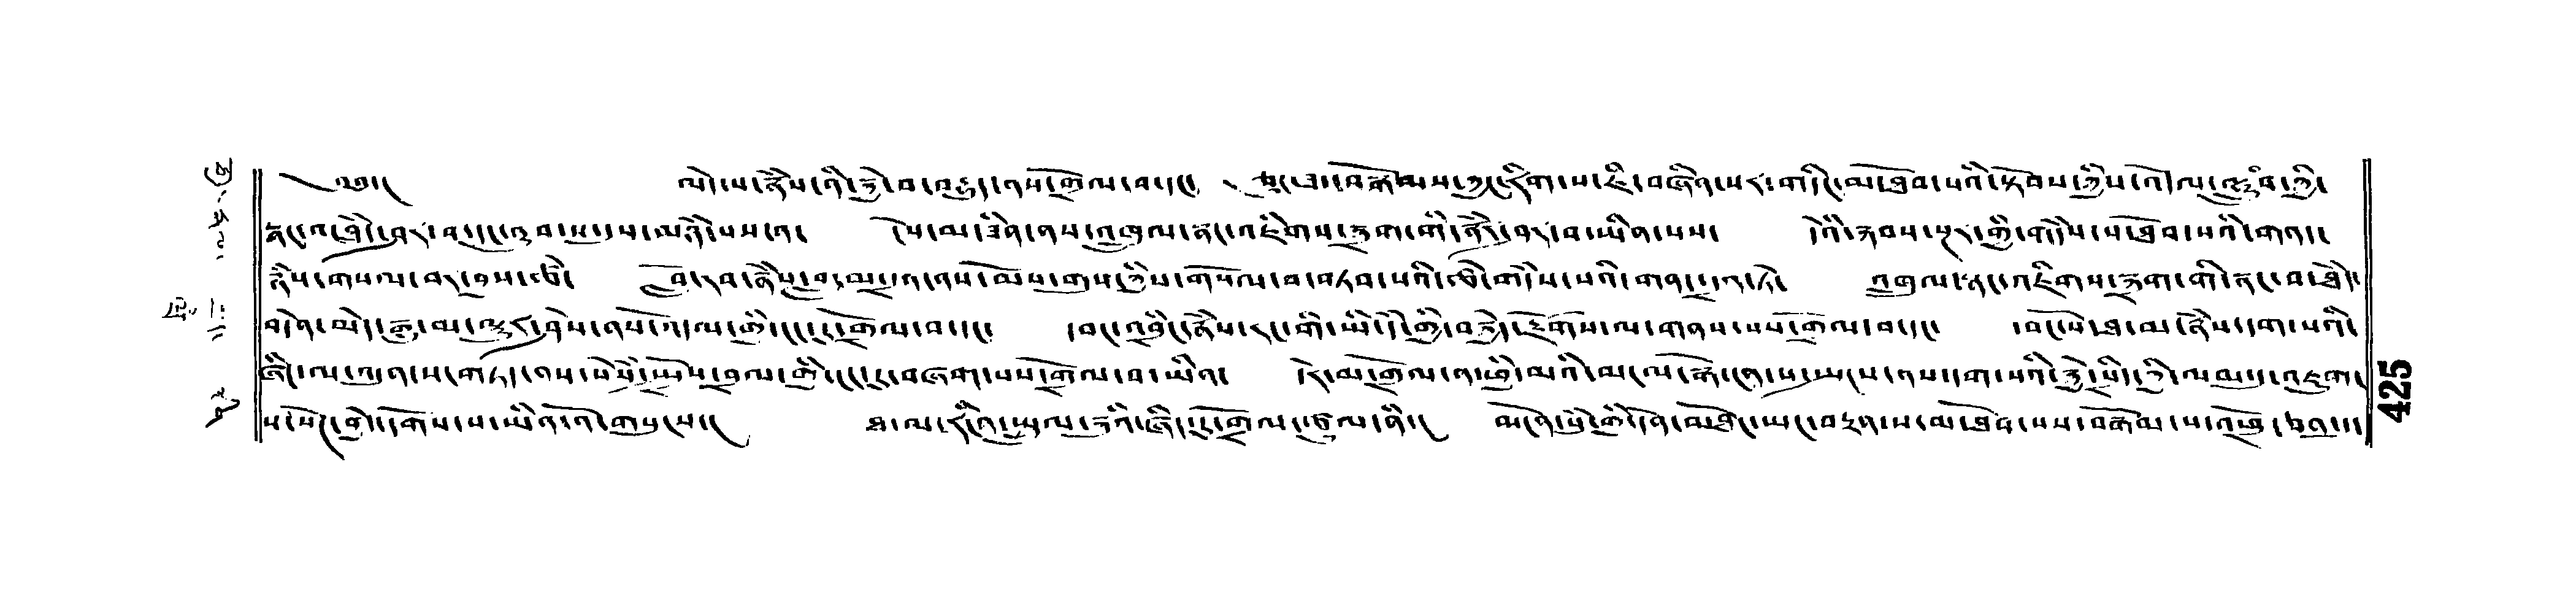མེད་པ་རྣམས་ནི་སྐྱེ་བ་བརྒྱུད་ནས་གྲོལ་བ་དང་། ཅུང་ཟད་བསྒོམས་ཀྱང་རིག་པ་ཇི་བཞིན་པར་གདིང་མ་ཐོབ་པའི་སྟོབས་ཀྱིས་འོད་གསལ་ལྷུན་གྲུབ་ཀྱི་
སྣང་བ་ཐམས་ཅད་ཤར་བ་དང་ནུབ་པ་དུས་མཉམ་པས་ན།ངོས་མ་ཟིན་ནས་འཁྲུལ་སྣང་འཇིགས་སྐྲག་གིས་རྣམ་པར་ཤར་བ་ཡིན་པས། དེའི་སྐབས་སྔར་གྱི་གདམས་པ་ཐོབ་པའི་གནད་
རྣམས་གསལ་བར་བྱས་ཚེ། བློ་རབ་རྣམས་བླ་མ་དྲན་ནས་མོས་གུས་ཀྱིས་གསོལ་བ་བཏབ་པའི་ཚེ་གདམས་པའི་གནད་དྲན་ཏེ། འགྲུལ་སྣང་འཇིགས་སྐྲག་གི་སྣང་བ་ཐམས་ཅད་
བདེན་མེད་སྒྱུ་མ་ལྟ་བུར་ཤེས་ནས་འོད་གསལ་གྱི་ངང་དུ་གྲོལ་བ་དང་། དབང་འབྲིང་རྣམས་རང་གི་ཡི་དམ་གྱི་བསྐྱེད་རྫོགས་ལ་གནས་པས་གྲོལ་བ་དང་། དབང་པོ་ཐ་མ་རྣམས་དག་པའི་
ཞིང་ལ་འདུན་པ་གཏད་ནས་སེམས་སྤྲོས་བྲལ་གྱི་ངང་དུ་བཞག་པས་གྲོལ་བ་ཡིན། དེར་མ་གྲོལ་ན་ཕྱི་མའི་མངལ་སྒོ་ངན་པ་སྤངས་ནས་དག་པའི་སྐྱེ་སྲིད་ཀྱི་ལམ་དུ་འཇུག་
པ་སོགས་བྱེད་དགོས་པ་ཡིན་ནོ་གསུངས། ཐ་མ་རང་བཞིན་སྤྲུལ་སྐུའི་ཞིང་དུ་གྲོལ་ཚུལ་ནི། མངོན་སུམ་གྱི་དོན་མཐོང་ཡང་བརྟན་པ་མ་ཐོབ་པས་བསྒོམ་པ་འཕྲོ་ཅན་དུ་